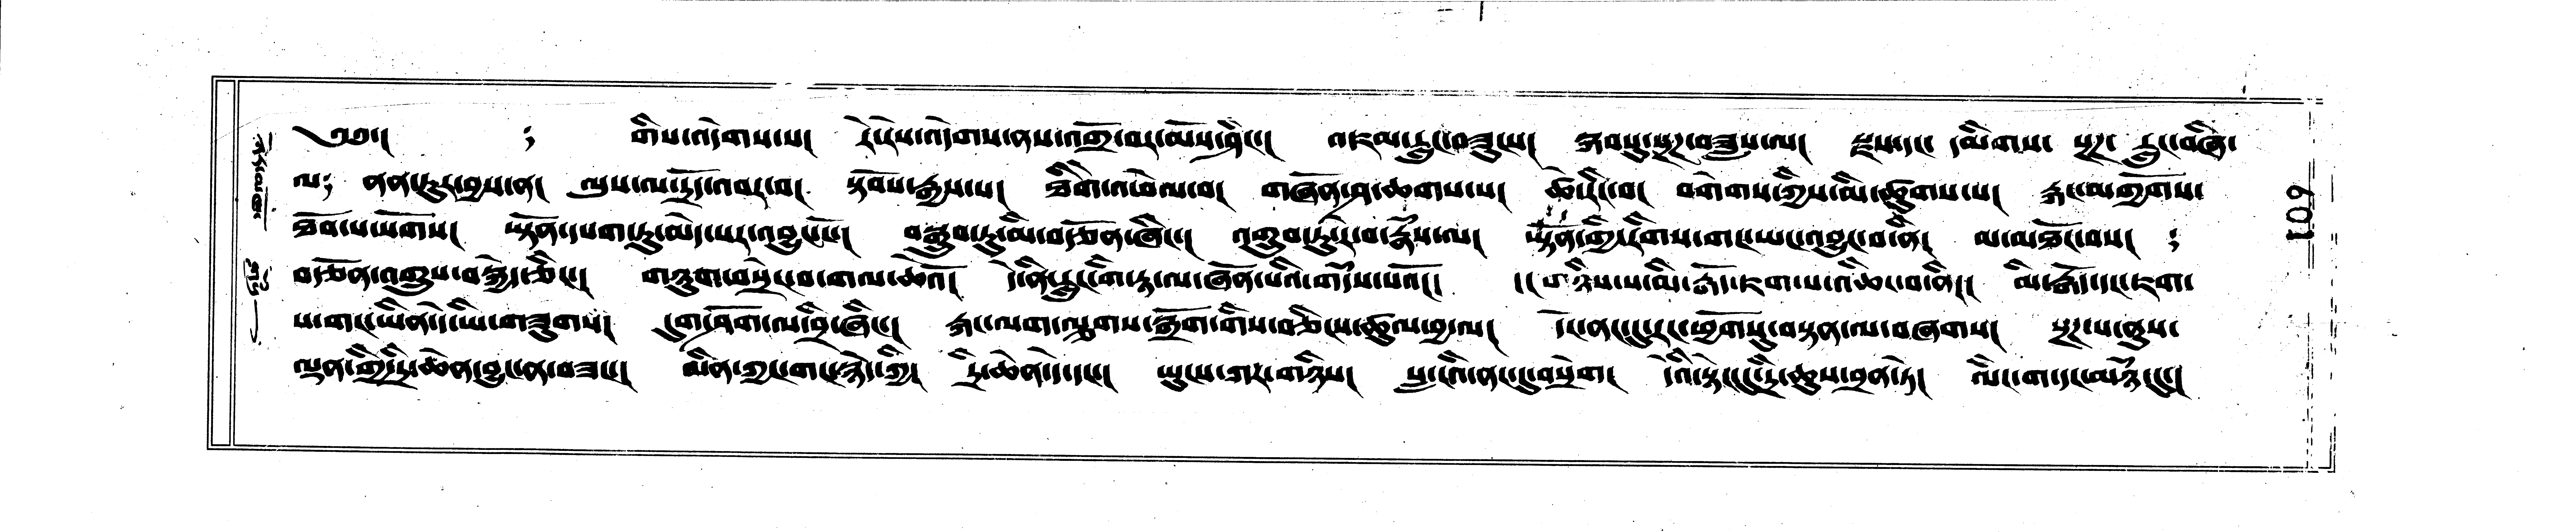གིས་འདེགས་པ། རེ་རེས་འདེགས་ནས་འགྲོ་བར་མོས་ཤིང་། འཇམ་རླུང་བཟུང་། སྐབས་སུ་སྔགས་བཟླས་ལ། རྫས་དང་དམིགས་སྔགས་རླུང་བཞི་
ལ། ནན་ཏུར་བྱས་ན། ལུས་ལ་དྲོད་འབར་བ། སྟོབས་རྒྱས་པ། ཐིག་ལེ་འཕེལ་བ། གཞོན་ཤ་ཆགས་པ། ཚེ་རིང་བ། བགེགས་ཀྱིས་མི་ཚུགས་པ། རྐང་མགྱོགས་
ཐོབ་པ་སོགས། ཡོན་ཏན་དཔག་ཏུ་མེད་པ་འབྱུང་ངོ་། བསྒྲུབ་ཏུ་མི་བརྩོན་ཞིང་། འགྲུབ་ཏུ་རེ་བ་རྣམས་ལ། ཡོན་ཏན་གྱི་རིགས་གང་ཡང་འབྱུང་བ་ནི། མ་མཐོང་བས། 
བརྩོན་འགྲུས་བསྐྱེད་ཅིང་། གཉུག་བསྲིང་བ་གལ་ཆེའོ། དེ་ནི་རླུང་གི་རྟ་ལ་ཞོན་པའི་གདམས་པའོ།། གཉིས་པ་མི་རྒོད་ཇག་པ་འཆིང་བ་ནི། མི་རྒོད་དང་ཇག་
པ་གང་ཡིན་དེ་ཡི་གཟུགས། དུང་ཤོག་ལ་བྲི་ཞིང་། རྐང་ལག་ལྕགས་སྒྲོག་གིས་བཅིང་ཚུལ་བྱ་ལ། དང་པོ་ནང་དུ་རང་ཕྱོགས་ལ་བསྟན་ཚུལ་བྱ་ལ་བཞག སྔགས་པ་ནུས་
ལྡན་གྱི་དྲི་ཆེན་བྱུང་ན་བཟང་། མིན་ཀྱང་གང་རྙེད་ཀྱི་དྲི་ཆེན་དེ་དང་། ཡུངས་ཀར་གཉིས། སླ་ངའི་ནང་དུ་བསྲེགས། དེའི་ནང་དུ་དྲི་ཆུས་བྲན་ཏེ། ལིང་ག་དང་མཉམ་དུ་